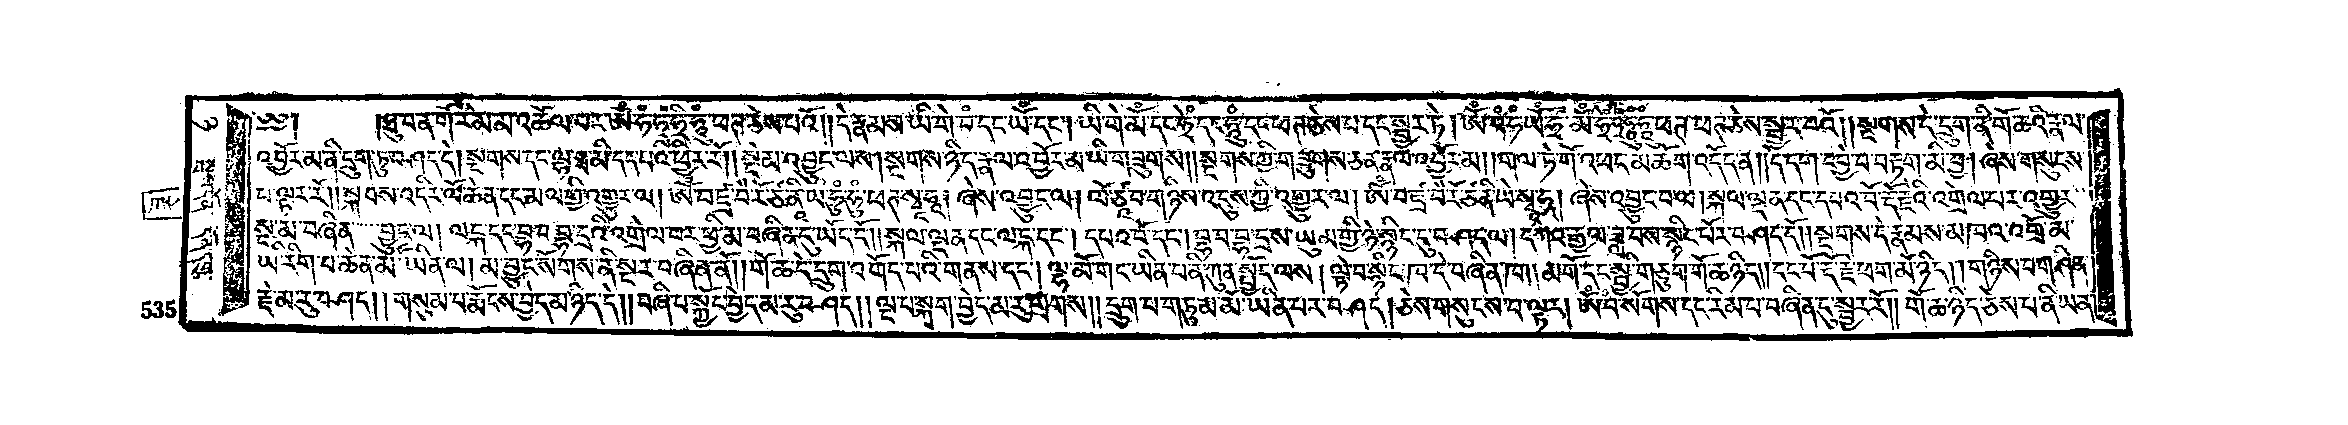༄༅། །ཐུ་བ་ན་གོ་རིམ་མ་འཆོལ་བར་ཨོཾ་ཧཾ་ཧྲིཾ་ཧྲིཾ་ཧཱུཾ་པགས་ཅེས་པའོ། །དེ་རྣམས་ཡི་གེ་བཾ་དང་ཡོཾ་དང་། ཡི་གེ་མོཾ་དང་ཧྲེཾ་དང་ཧཱུཾ་དང་ཕཊ་ཅེས་པ་དང་སྦྱར་ཏེ། ཨོཾ་བཾ་ཧཾ་ཡོཾ་ཧྲིཾ་མོཾ་ཧྲེཾ་ཧྲིཾ་ཧཱུཾ་ཧཱུཾ་ཕཊ་ཕཊ་ཅེས་སྦྱར་བའོ། །སྔགས་དེ་དྲུག་ནི་གོ་ཆའི་རྣལ་
འབྱོར་མ་ནི་དྲུག་ཏུ་བཤད་དེ། སྔགས་དང་ལྷ་ཐ་མི་དད་པའི་ཕྱིར་རོ། །སྡོམ་འབྱུང་ལས། སྔགས་ཉིད་རྣལ་འབྱོར་མ་ཡི་གཟུགས། །སྔགས་ཀྱི་གཟུགས་ཅན་རྣལ་འབྱོར་མ། །གལ་ཏེ་གོ་འཕང་མཆོག་འདོད་ན། །དེ་དག་དབྱེ་བ་བརྟག་མི་བྱ། ཞེས་གསུངས་
པ་ལྟར་རོ། །སྐབས་འདིར་ལོ་ཆེན་དང་མལ་གྱི་འགྱུར་ལ། ཨོཾ་བཛྲ་བཻ་རོ་ཙ་ནཱི་ཡེ་ཧུཾ་ཧུཾ་ཕཊ་སྭཱ་ཧཱ། ཞེས་འབྱུང་ལ། ལོ་རྩཱ་བ་གཉིས་འདུས་ཀྱི་འགྱུར་ལ། ཨོཾ་བཛྲ་བཻ་རོ་ཙ་ནི་ཡེ་སྭཱ་ཧཱ། ཞེས་འབྱུང་བ་ལ། སྐལ་ལྡན་དང་དཔའ་བོ་རྡོ་རྗེའི་འགྲེལ་པར་འགྱུར་
སྔ་མ་བཞིན་བྱུང་ལ། ལངྐ་དང་བྷ་བ་བྷ་དྲའི་འགྲེལ་པར་ཕྱི་མ་བཞིན་དུ་ཡོད་དོ། །སྐལ་ལྡན་དང་ལངྐ་དང་། དཔའ་བོ་དང་། བྷ་བ་བྷ་དྲས་ཡུམ་གྱི་ཉེ་སྙིང་དུ་བཤད་ལ། དཀའ་རྒྱལ་ཟླ་བས་སྙིང་པོར་བཤད་དོ། །སྔགས་དེ་རྣམས་མཁའ་འགྲོ་མ་
ཡི་རིག་པ་ཆེན་མོ་ཡིན་ལ། མ་བྱུང་སོགས་ནི་སྔར་བཞིན་ནོ། །གོ་ཆ་དེ་དྲུག་འགོད་པའི་གནས་དང་། ལྷ་མོ་གང་ཡིན་པ་ནི་ཀུན་སྤྱོད་ལས། ལྟེ་བ་སྙིང་ཁ་དེ་བཞིན་ཁ། །མགོ་དང་སྤྱི་གཅུག་གོ་ཆ་ཉིད། །དང་པོ་རྡོ་རྗེ་ཕག་མོ་ཉིད། །གཉིས་པ་གཤིན་
རྗེ་མ་རུ་བཤད། །གསུམ་པ་རྨོངས་བྱེད་མ་ཉིད་དེ། །བཞི་པ་སྐྱོང་བྱེད་མ་རུ་བཤད། །ལྔ་པ་སྐྲག་བྱེད་མ་རུ་གྲགས། །དྲུག་པ་གཏུམ་མོ་ཡིན་པར་བཤད། ཅེས་གསུངས་པ་ལྟར། ཨོཾ་བཾ་སོགས་དང་རིམ་པ་བཞིན་དུ་སྦྱར་རོ། །གོ་ཆ་ཉིད་ཅེས་པ་ནི་ཡན་